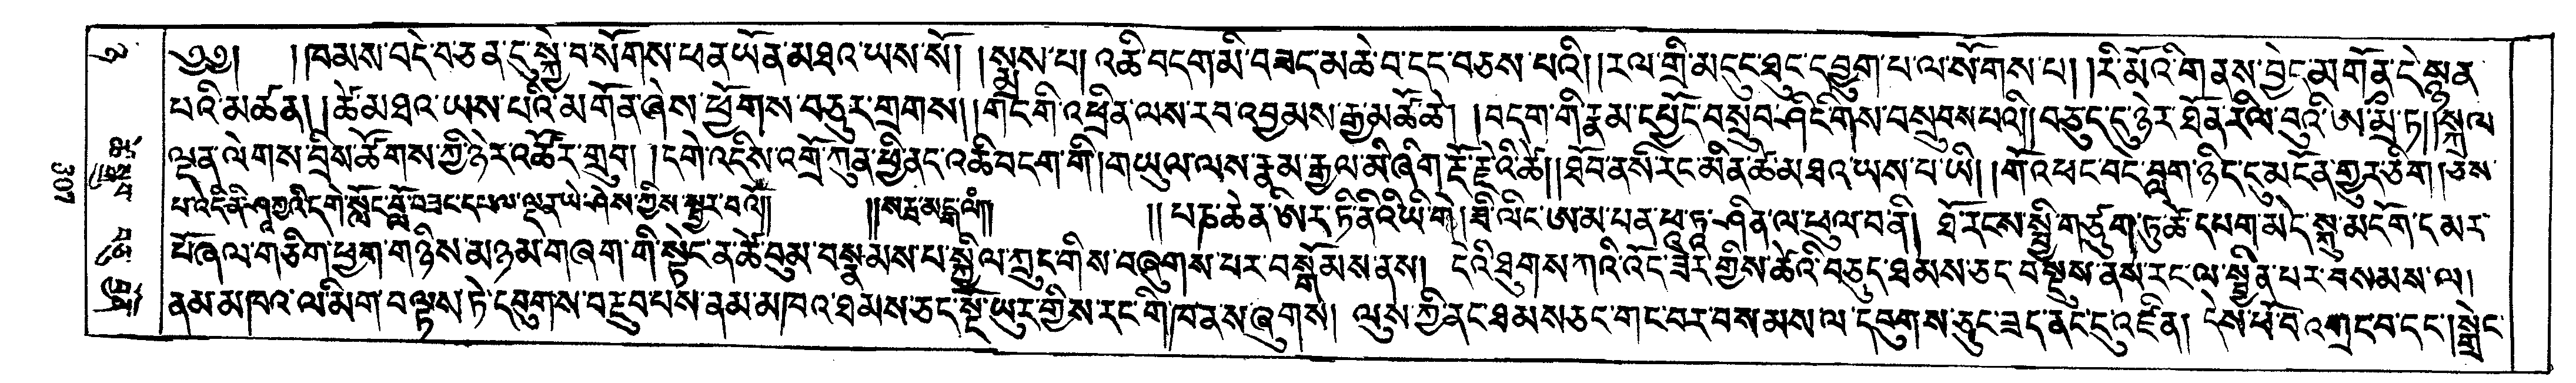༄༅། །ཁམས་བདེ་བ་ཅན་དུ་སྐྱེ་བ་སོགས་ཕན་ཡོན་མཐའ་ཡས་སོ། །སྨྲས་པ། འཆི་བདག་མི་བཟད་མཆེ་བ་དང་བཅས་པའི། །རལ་གྲི་མདུང་ཐུང་དབྱུག་པ་ལ་སོགས་པ། །རི་མོའི་གནས་བྱེད་མགོན་དེ་སྙན་
པའི་མཚོན། །ཚེ་མཐའ་ཡས་པའི་མགོན་ཞེས་ཕྱོགས་བཅུར་གྲགས། །གང་གི་འཕྲིན་ལས་རབ་འབྱམས་རྒྱ་མཚོ་ཆེ། །བདག་གི་རྣམ་དཔྱོད་བསྲུབ་ཤིང་གིས་བསྲུབས་པའི། །བཅུད་དུ་ཉེར་ཐོན་རིལ་བུའི་ཨ་མྲྀ་ཏ། །སྐལ་
ལྡན་ལེགས་བྲིས་ཚོགས་ཀྱི་ཉེར་འཚོར་གྲུབ། །དགེ་འདིས་འགྲོ་ཀུན་ཕྱི་ནང་འཆི་བདག་གི། གཡུལ་ལས་རྣམ་རྒྱལ་མི་ཞིག་རྡོ་རྗེའི་ཚེ། །ཐོབ་ནས་རིང་མིན་ཚེ་མཐའ་ཡས་པ་ཡི། །གོ་འཕང་བདེ་བླག་ཉིད་དུ་མངོན་གྱུར་ཅིག། ཅེས་
པ་འདི་ནི་ཤཱཀྱའི་དགེ་སློང་བློ་བཟང་དཔལ་ལྡན་ཡེ་ཤེས་ཀྱིས་སྦྱར་བའོ།། །།སརྦ་མངྒ་ལཾ།། །།པཎ་ཆེན་ཨེར་ཏི་ནིའི་ཡི་གེ། ཟི་ལིང་ཨམ་བན་ཕཱ་ཏཱ་ཤིན་ལ་ཕུལ་བ་ནི། ཐོ་རངས་སྤྱི་གཙུག་ཏུ་ཚེ་དཔག་མེད་སྐུ་མདོག་དམར་
པོ་ཞལ་གཅིག་ཕྱག་གཉིས་མཉམ་གཞག་གི་སྟེང་ན་ཚེ་བུམ་བསྣམས་པ་སྐྱིལ་ཀྲུང་གིས་བཞུགས་པར་བསྒོམས་ནས། དེའི་ཐུགས་ཀའི་འོད་ཟེར་གྱིས་ཚེའི་བཅུད་ཐམས་ཅད་བསྡུས་ནས་རང་ལ་སྦྱིན་པར་བསམས་ལ།
ནམ་མཁའ་ལ་མིག་བལྟས་ཏེ་དབུགས་བརྡུབ་པས་ནམ་མཁའ་ཐམས་ཅད་སྔོ་ཡུར་གྱིས་རང་གི་ཁ་ནས་ཞུགས། ལུས་ཀྱི་ནང་ཐམས་ཅད་གང་བར་བསམས་ལ་དབུགས་ཅུང་ཟད་ནང་དུ་འཛིན། དེས་ཕོ་བ་འགྲང་བ་དང་། སྒྲེག་